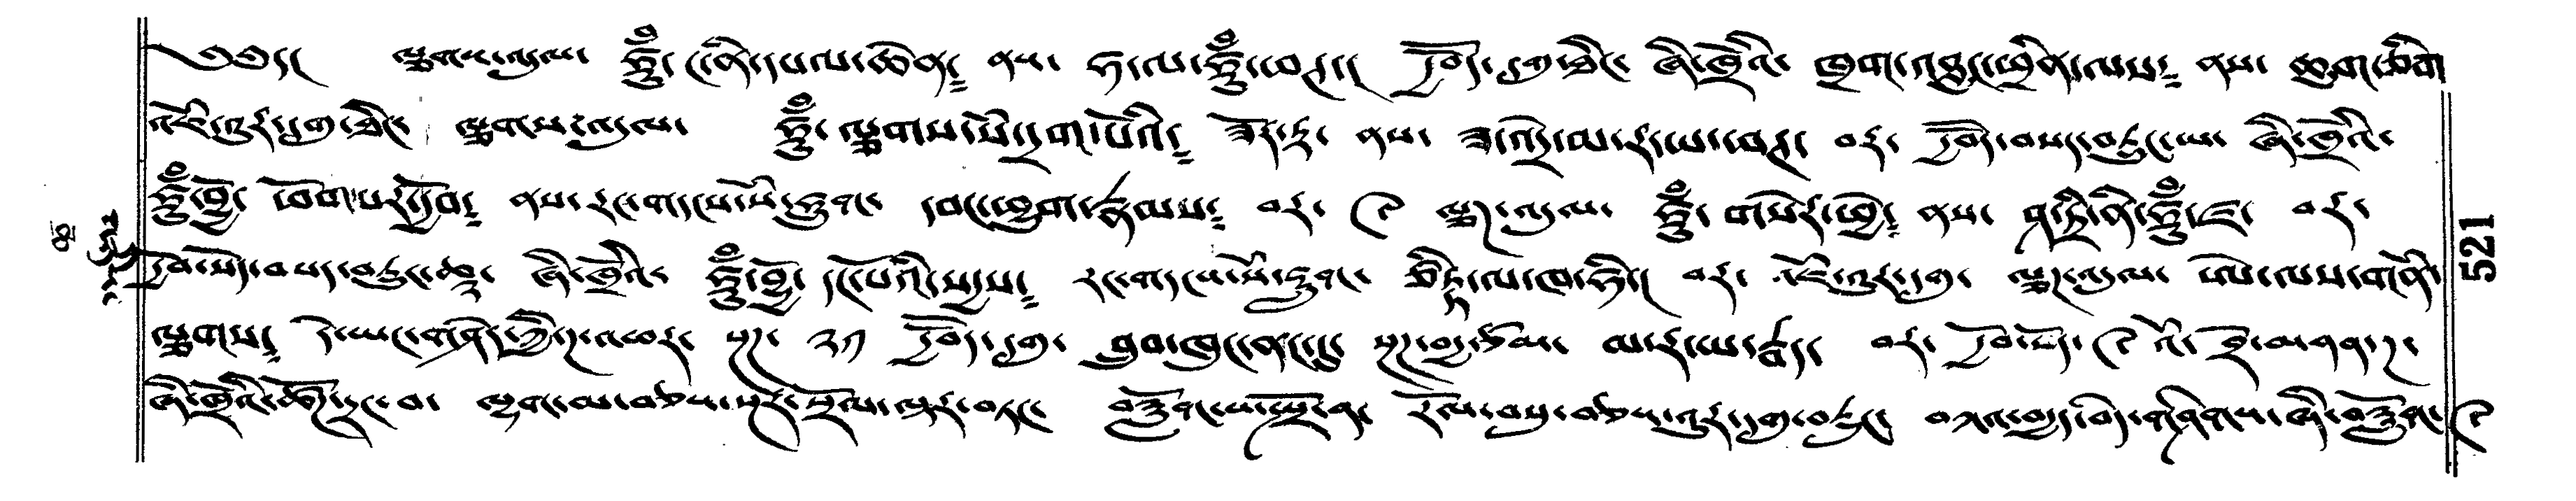ལྕགས་འདུལ། ཧཱུྃ། ང་ནི་དཔལ་ཆེན༴ ནས། ཧ་ལ་ཧཱུྃ་ཕཊཿ རྒྱོབ་སོད་དགུ་ཐིང་། ཞི་ཁྲོའི། ཁྲག་འཐུང་ཕྲིན་ལས༴ ནས། ཆུག་ཅིག༔ 
འཇམ་འུར་དགུ་ཐིང་། ལྕགས་འདུལ། ཧཱུྃ། ལྕགས་སམ་དྲག་པོའི༴ ནས། ཟོར་རྟ། ཟ་འདྲེ་མ་ར་ཡ་ཕཊཿ བར། རྒྱོབ་སོད་བསད་རྡུང་ཡ། ཞི་ཁྲོའི། 
ཧཱུྃ་བྷྱོ༔ ཕོག་པར་རྒྱོབ༴ ནས། རང་གདངས་སམ་ཧྲུག དབང་ཕྱུག་རྣམས༴ བར། དགུ། ལྕགས་འདུལ། ཧཱུྃ། གསེར་ཕྱེ༴ ནས། ཤ་ཏྲི་ནི་ཧཱུྃ་ཛ། བར། 
རྒྱོབ་སོད་བསད་བརྡུང་ཆ་གཉིས། ཞི་ཁྲོའི། ཧཱུྃ་བྷྱོ༔ དང་པོའི་སངས་རྒྱས༴ རང་གདངས་སམ་ཧྲུག ཙིཏྟ་ལ་ཁ་ཧིཿ བར། འཇམ་འུར་དགུ། ལྕགས་འདུལ། ཨེ་ལས་གནམ་
ལྕགས༴ དེ་ཡང་གཤེད་ཀྱི་ཌཱ་འཕར། སྔགས་ཉེར་གཅིག རྒྱོབ་སོད་དགུ། བྲུབ་ཁུང་ནང་དུ༴ སྔགས་བརྒྱ་ཙམ། མ་ར་ཡ་རྦདཿ བར། རྒྱོབ་སོད་དགུ་འམ། བྲོ་མནན། ཌཱ། 
ཞི་ཁྲོའི་ཚོགས་དྲང་བ། ལྷག་མ་བཅས་སྔར་སྲོལ་ལྟར་བཏང་། བཟློག་པ་སྤྲོ་ན། རོལ་བསུ་བཅས་འུར་དགུ་བརྡུང་། བཀའ་བརྒྱད་བདེ་གཤེགས་ཞི་བཟློག དགུ།